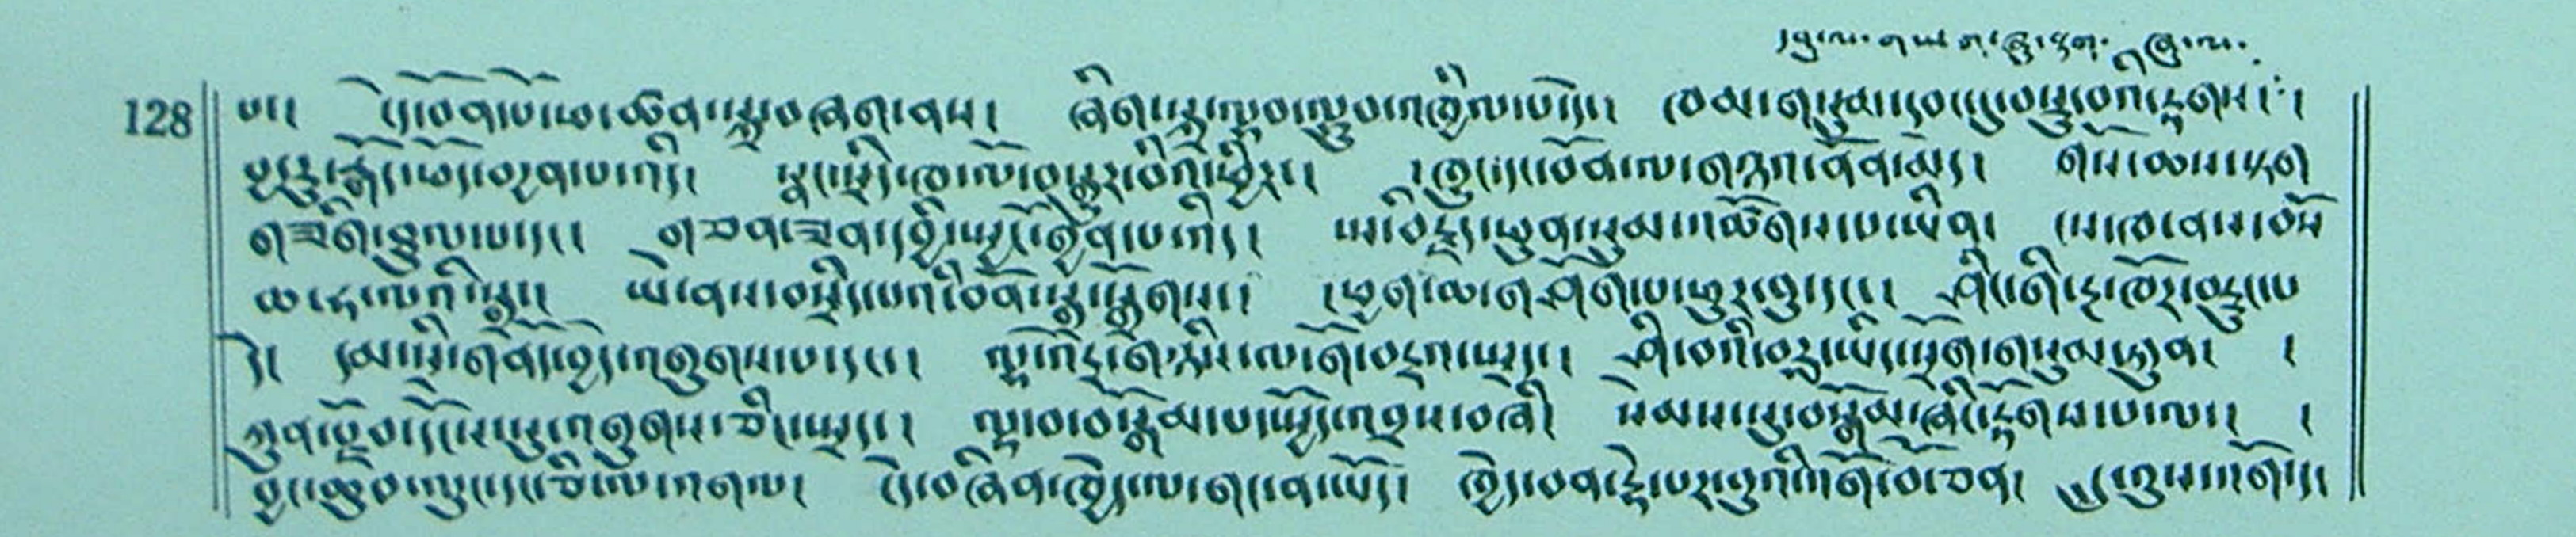པ། ངེད་བོན་པོ་ཕ་ཚན་སྐྲ་བཞག་ནས། ཞིག་སྐྲ་ལྷབ་ལྷུབ་འཁྱིལ་པ་དེ། ཁམས་གསུམ་དབང་དུ་བསྡུད་པའི་རྟགས། དབུ་ལ་གཡག་ཞུ་སྟག་ཞུ་ལ།
 བྱ་རུ་རྒོད་ཕོད་བརྒྱན་པ་ནི། སྣང་སྲིད་ཁ་ལོ་བསྒྱུར་བའི་ཕྱིར། ཁྱུང་དང་བོན་ལ་གཉའ་གནོན་མེད། གོས་ཆས་སྟག་
གཟིག་ཐུལ་བ་དང་། གཅན་ཟན་དབྱི་སྤྱང་གྱོན་པ་འདི། སྤ་བརྗིད་ཕུན་སུམ་འཚོགས་པ་ཡིན། ངས་ཁ་ནས་བསྭོ་
ཆ་ཧ་ལའི་སྒྲ། ཡེ་ནས་སྲིད་པའི་བོན་སྒྲ་སྒྲོགས། ཕྱག་ཆ་གཤོག་པ་ཕུར་བུ་དང་། ཤིང་གི་རྔ་ཁོར་བརྡུང་བ་
དེ། དམ་སྲི་གནོད་བྱེད་འགུགས་པ་དང་། ལྷ་འདྲེ་གཉིས་ལ་གོ་བརྡའ་སྤྲད། ཤི་བའི་བླ་ཡིད་སེམས་གསུམ་ཀུན།
 ཀུན་རྫོབ་དངོས་སུ་འགུགས་ཅིང་སྤྲད། ལྟ་བ་སྒོམ་པ་སྤྱོད་འབྲས་བཞི། སེམས་སུ་སྒོམ་ཞིང་རྟོགས་པ་ལ། 
བྱང་ཆུབ་ལུང་དང་ཅི་ལ་འགལ། ངེད་བཞིན་ཁྱེད་ལ་གང་ན་ཡོད། ཁྱེད་བན་དྷེ་པར་བུའི་མགོ་བོ་ཅན། དྲུ་འུས་འགོ་དང་